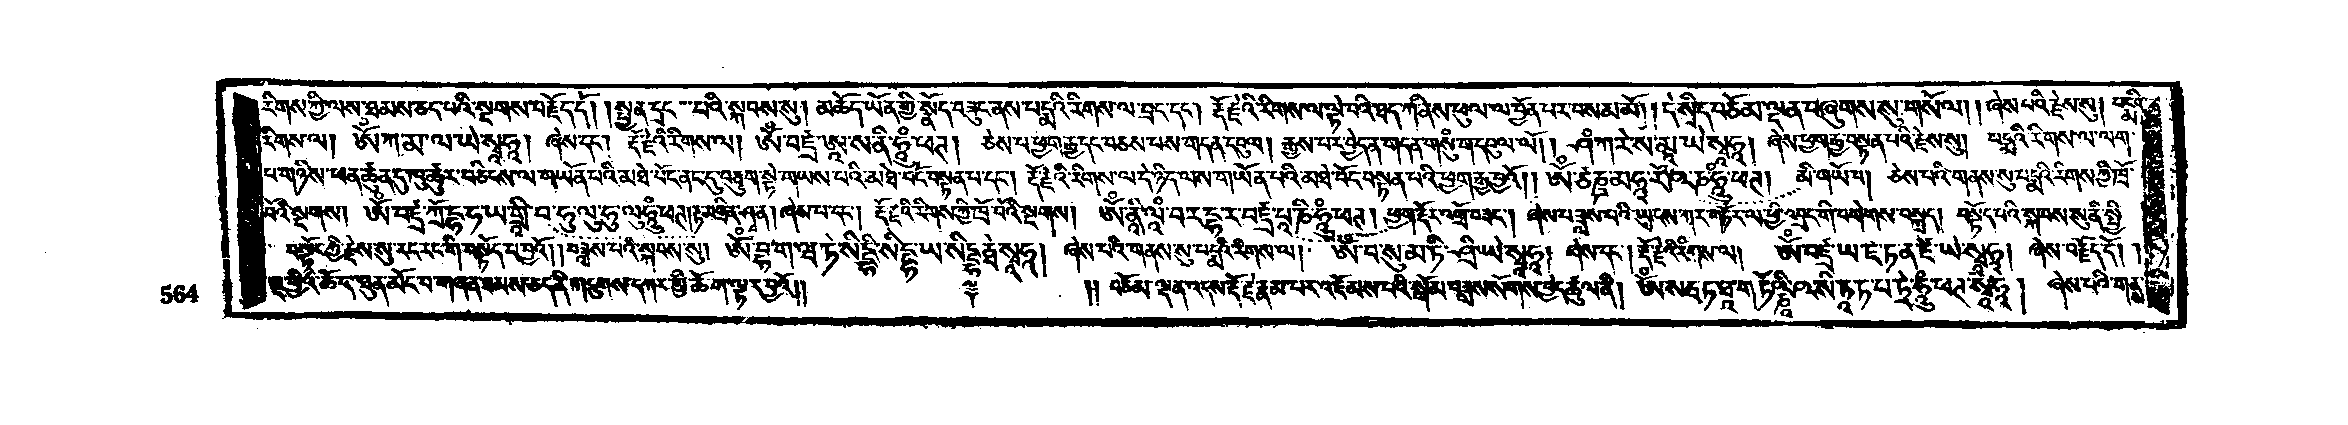རིགས་ཀྱི་ལས་ཐམས་ཅད་པའི་སྔགས་བརྗོད་དོ། །སྤྱན་དྲང་པའི་སྐབས་སུ། མཆོད་ཡོན་གྱི་སྣོད་བཟུང་ནས་པདམའི་རིགས་ལ་བྲང་དང་། རྡོ་རྗེའི་རིགས་ལ་ལྟེ་བའི་ཐད་ཀ་ནས་ཕུལ་ལ་བྱོན་པར་བསམ་མོ། །དེ་སྲིད་བཅོམ་ལྡན་བཞུགས་སོ་གསོལ། །ཞེས་པའི་རྗེས་སུ་པདམའི་
རིགས་ལ། ཨོཾ་ཀ་མ་ལ་ཡེ་སྭཱཧཱ། ཞེས་དང་། རྡོ་རྗེའི་རིགས་ལ།  ཨོཾ་བཛྲ་ཨཱ་ས་ནི་ཧཱུཾ་ཕཊ། ཅེས་པ་ཕྱག་རྒྱ་དང་བཅས་པས་གདན་དབུལ། རྒྱས་པར་བྱེད་ན་གདན་གསུཾ་ག་དབུལ་ལོ། །ཤཾ་ཀ་རེ་ས་མཱ་ཡེ་སྭཱཧཱ། ཞེས་ཕྱག་རྒྱ་བསྟན་པའི་རྗེས་སུ། པདམའི་རིགས་ལ་ལག་
པ་གཉིས་ཕན་ཚུན་དུ་ཁུ་ཚུར་བཅིངས་ལ་གཡོན་པའི་མཐེ་བོང་ནང་དུ་བཅུག་སྟེ་གཡས་པའི་མཐེ་བོང་བསྟན་པ་དང་། རྡོ་རྗེའི་རིགས་ལ་དེ་ཉིད་ལས་གཡོན་པའི་མཐེ་བོང་བསྟན་པའི་ཕྱག་རྒྱ་བྱའོ། །ཨོཾ་ཙཎྜ་མཧཱ་རོ་ཥ་ཎ་ཧཱུཾ་ཕཊ། མི་གཡོ་བ། ཅེས་པའི་གནས་སུ་པདམའི་རིགས་ཀྱི་ཁྲོ་
བོའི་སྔགས། ཨོཾ་བཛྲ་ཀྲོ་དྷ་ཧ་ཡ་གྲི་བ་ཧུ་ལུ་ཧུ་ལུ་ཧཱུཾ་ཕཊ། རྟ་མགྲིན་ཤྭ་ན། ཞེས་པ་དང་། རྡོ་རྗེའི་རིགས་ཀྱི་ཁྲོ་བོའི་སྔགས།  ཨོཾ་ནཱི་ལཱཾ་བ་ར་དྷ་ར་བཛྲ་པཱ་ཎི་ཧཱུཾ་ཕཊ། ཕྱག་རྡོར་འགྲོ་བཟང་། ཞེས་བཟླས་པའི་ཡུངས་ཀར་གཏོར་ལ་ཕྱི་འབྲང་གི་བགེགས་བསྐྲད། བསྟོད་པའི་སྐབས་སུ་ནི་སྤྱི་
བསྟོད་ཀྱི་རྗེས་སུ་རང་རང་གི་བསྟོད་པ་བྱའོ། །བཟླས་པའི་སྐབས་སུ། ཨོཾ་བྷ་ག་ཝ་ཏེ་སིདྡྷི་སིདྡྷ་ཡ་སིདྡྷ་རྠེ་སྭཱཧཱ། ཞེས་པའི་གནས་སུ་པདམའི་རིགས་ལ།  ཨོཾ་བ་སུ་མ་ཏི་ཤྲི་ཡེ་སྭཱཧཱ། ཞེས་དང་། རྡོ་རྗེའི་རིགས་ལ།  ཨོཾ་བཛྲ་ཡ་ཛ་ཏ་ན་ཛ་ཡེ་སྭཱཧཱ། ཞེས་བརྗོད་དོ། །
སྔ་ཕྱིའི་ཆོ་ག་ཐུན་མོང་བ་གཞན་ཐམས་ཅད་ནི་གདུགས་དཀར་གྱི་ཆོ་ག་ལྟར་བྱའོ།། ༈ །།བཅོམ་ལྡན་འདས་རྡོ་རྗེ་རྣམ་པར་འཇོམས་པའི་སྒོམ་བཟླས་སོགས་བྱེད་ཚུལ་ནི། ཨོཾ་སརྦ་ཏ་ཐཱ་ག་ཏོཥྞཱི་ཥ་སི་ཏཱ་ཏ་པ་ཏྲེ་ཧཱུཾ་ཕཊ་སྭཱཧཱ། ཞེས་པའི་གནས་